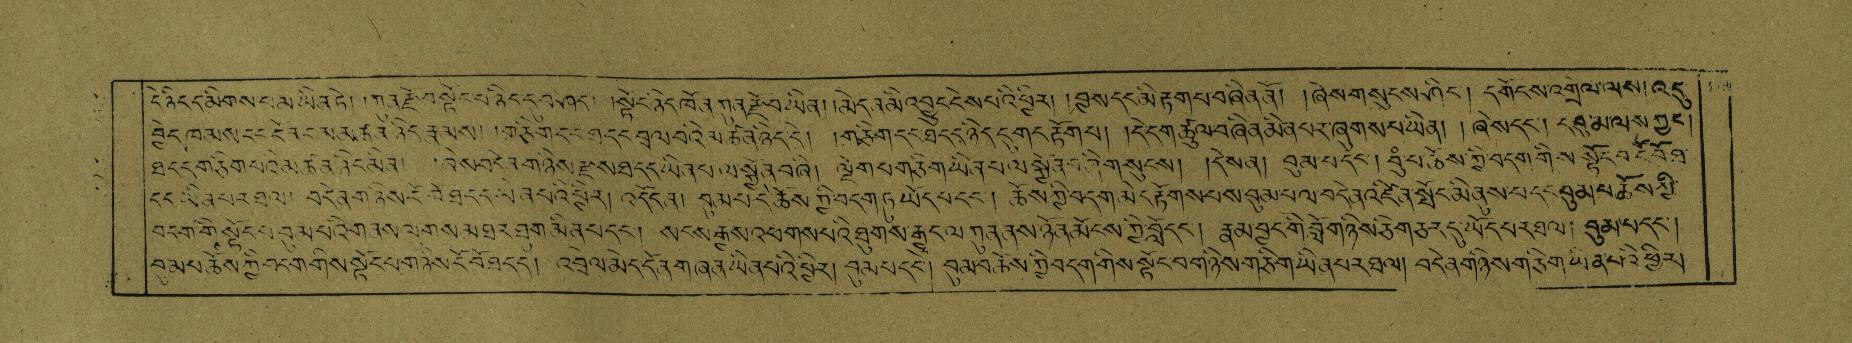དེ་ཉིད་དམིགས་པ་མ་ཡིན་ཏེ། །ཀུན་རྫོབ་སྟོང་པ་ཉིད་དུ་བཤད། །སྟོང་ཉིད་ཁོ་ན་ཀུན་རྫོབ་ཡིན། །མེད་ན་མི་འབྱུང་ངེས་པའི་ཕྱིར། །བྱས་དང་མི་རྟག་པ་བཞིན་ནོ། །ཞེས་གསུངས་ཤིང་། དགོངས་འགྲེལ་ལས། འདུ་
བྱེད་ཁམས་དང་དོན་དམ་མཚན་ཉིད་རྣམས། །གཅིག་དང་ཐ་དད་བྲལ་བའི་མཚན་ཉིད་དེ། །གཅིག་དང་ཐ་དད་ཉིད་དུ་གང་རྟོག་པ། །དེ་དག་ཚུལ་བཞིན་མིན་པར་ཞུགས་པ་ཡིན། །ཞེས་དང་། དབུ་མ་ལས་ཀྱང་།
ཐ་དད་གཅིག་པའི་མཚན་ཉིད་མིན། །ཞེས་བདེན་གཉིས་རྫས་ཐ་དད་ཡིན་པ་ལ་སྐྱོན་བཞི། ལྡོག་པ་གཅིག་ཡིན་པ་ལ་སྐྱོན་བཞི་གསུངས། །དེས་ན། བུམ་པ་དང་། བུཾ་པ་ཆོས་ཀྱི་བདག་གིས་སྟོང་བ་ངོ་བོ་ཐ་
དད་ཡིན་པར་ཐལ། བདེན་གཉིས་ངོ་བོ་ཐ་དད་ཡིན་པའི་ཕྱིར། འདོད་ན། བུམ་པ་དེ་ཆོས་ཀྱི་བདག་ཏུ་ཡོད་པ་དང་། ཆོས་ཀྱི་བདག་མེད་རྟོགས་པས་བུམ་པ་ལ་བདེན་འཛིན་སྤོང་མི་ནུས་པ་དང་བུམ་པ་ཆོས་ཀྱི་
བདག་གི་སྟོང་པ་བུམ་པའི་གནས་ལུགས་མཐར་ཐུག་མིན་པ་དང་། སངས་རྒྱས་འཕགས་པའི་ཐུགས་རྒྱུད་ལ་ཀུན་ནས་ཉོན་མོངས་ཀྱི་བློ་དང་། རྣམ་བྱང་གི་བློ་གཉིས་ཅིག་ཅར་དུ་ཡོད་པར་ཐལ། བུམ་པ་དང་།
བུམ་པ་ཆོས་ཀྱི་བདག་གིས་སྟོང་པ་གཉིས་ངོ་བོ་ཐ་དད། འབྲེལ་མེད་དོན་གཞན་ཡིན་པའི་ཕྱིར། བུམ་པ་དང་། བུམ་བ་ཆོས་ཀྱི་བདག་གིས་སྟོང་བ་གཉིས་གཅིག་ཡིན་པར་ཐལ། བདེན་གཉིས་གཅིག་ཡིན་པའི་ཕྱིར།